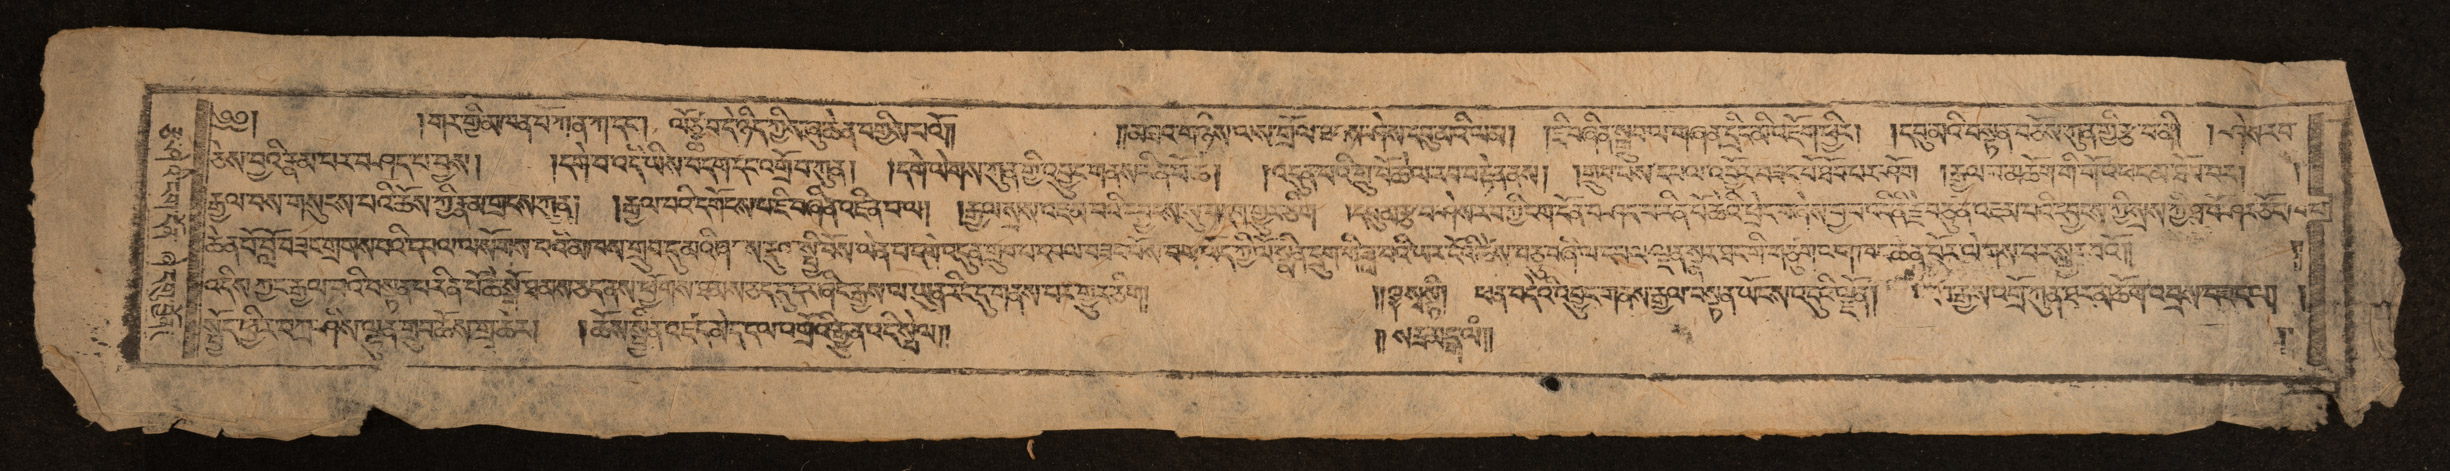༄༅། །གར་གྱི་མཁན་པོ་ཀ་ན་ཀ་དང་། ལོཙྪ་བ་དེ་ཉིད་ཀྱིས་ཞུ་ཆེན་བགྱིས་པའོ།། །།མཐའ་གཉིས་ལས་གྲོལ་ཐབས་ཤེས་དབུ་མའི་ལམ། །ཇི་བཞིན་སྒྲུབ་ལ་གཞན་དྲིང་མི་འཇོག་ཕྱིར། །དབུ་མའི་བསྟན་བཅོས་ཀུན་གྱི་རྩ་བ་ནི། །ཤེས་རབ་
ཅེས་བྱའི་རྣམ་པར་བཤད་པ་བྱས། །དགེ་བ་འདི་ཡིས་བདག་དང་འགྲོ་བ་ཀུན། །དགེ་ལེགས་ཀུན་གྱི་འབྱུང་གནས་རིན་པོ་ཆེ། །འདུན་པའི་གྲུ་བོ་ཆེ་ལ་རབ་བརྟེན་ནས། །གྲུབ་པས་དཔལ་འབྱོར་བཟང་པོ་ཐོབ་པར་ཤོག །རྒྱལ་བ་མཆོག་གི་གོ་འཕང་མ་ཐོབ་པར། །
རྒྱལ་བས་གསུངས་པའི་ཆོས་ཀྱི་རྣམ་གྲངས་ཀུན། །རྒྱལ་བའི་དགོངས་པ་ཇི་བཞིན་འཛིན་པ་ལ། །རྒྱལ་སྲས་འཇམ་པའི་དབྱངས་སུ་བདག་གྱུར་ཅིག །དབུ་མ་རྩ་བ་ཤེས་རབ་ཀྱི་ངག་དོན་བཤད་པ་རིན་པོ་ཆེའི་ཕྲེང་བ་ཞེས་བྱ་བ་འདི་ནི་རྗེ་བཙུན་འཇམ་པའི་དབྱངས་ཀྱི་སྲས་ཀྱི་ཐུ་བོ་ཤར་ཙོང་ཁ་པ་
ཆེན་པོ་བློ་བཟང་གྲགས་པའི་དཔལ་ལ་སོགས་པའི་མཁས་གྲུབ་དུ་མའི་ཞབས་རྡུལ་སྤྱི་བོས་ལེན་པ་དགེ་འདུན་གྲུབ་པ་དཔལ་བཟང་པོས་བག་ཡོད་ཀྱི་ལོ་སྨིན་དྲུག་གི་ཟླ་བའི་ཡར་ངོའི་ཚེས་བཅུ་བཞི་ལ་དཔལ་ལྡན་སྣར་ཐང་གི་གཙུག་ལག་ཁང་ཆེན་པོར་ལེགས་པར་སྦྱར་བའོ།། །།
འདིས་ཀྱང་རྒྱལ་བའི་བསྟན་པ་རིན་པོ་ཆེ་སྒོ་ཐམས་ཅད་ནས་ཕྱོགས་ཐམས་ཅད་དུ་དར་ཞིང་རྒྱས་ལ་ཡུན་རིང་དུ་གནས་པར་གྱུར་ཅིག། །།༈སྭསྟི། ཕན་བདེའི་འབྱུང་གནས་རྒྱལ་བསྟན་ཡོངས་འདུའི་ལྗོན། །རབ་རྒྱས་འགྲོ་ཀུན་ཐར་མཆོག་འབྲས་བཟང་ལ། །
སྤྱོད་ཕྱིར་བཀྲ་ཤིས་ལྷུན་གྲུབ་ཆོས་གྲྭ་ཆེར། །ཆོས་སྦྱིན་འཛད་མེད་དལ་འགྲོའི་རྒྱུན་འདི་སྤེལ།། །།སརྦ་མངྒ་ལཾ།། །།བཀྲ་ཤིས།། །།